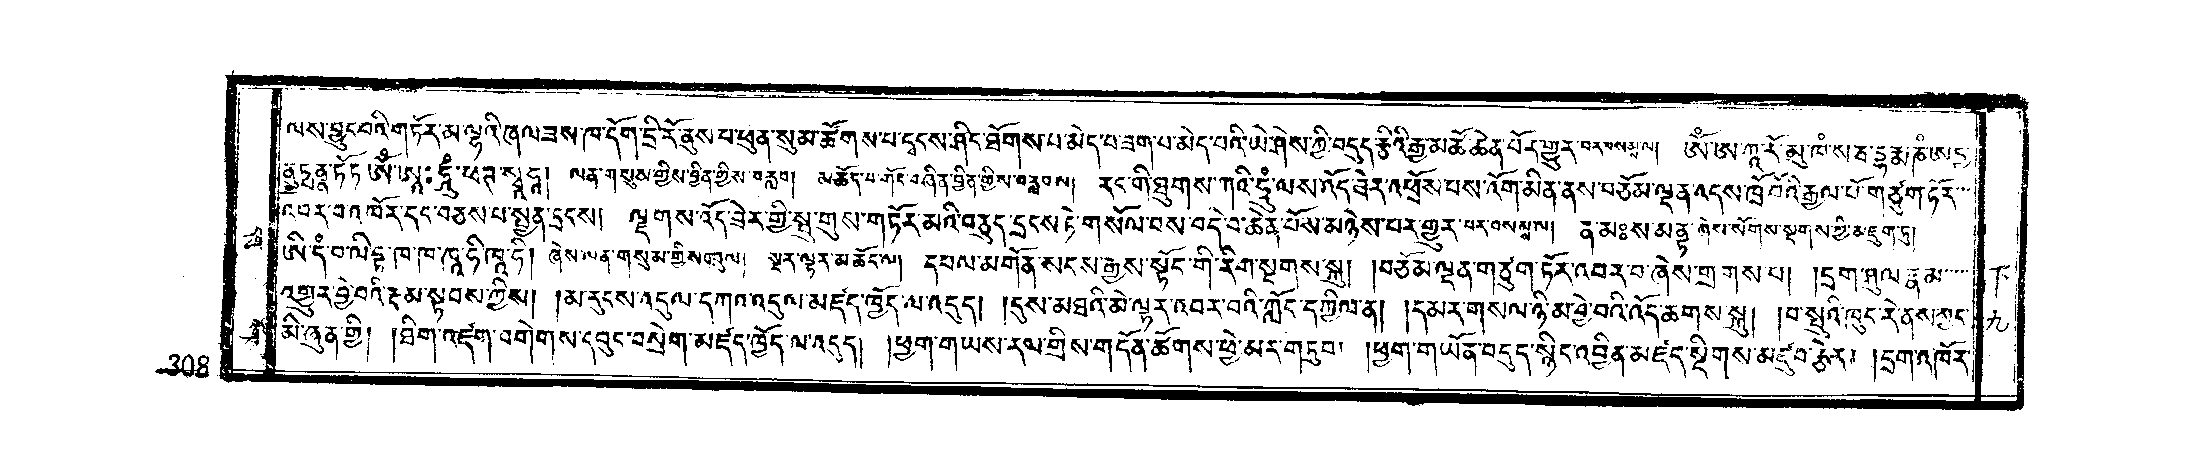ལས་བྱུང་བའི་གཏོར་མ་ལྷའི་ཞལ་ཟས་ཁ་དོག་དྲི་རོ་ནུས་པ་ཕུན་སུམ་ཚོགས་པ་དྭངས་ཤིང་ཐོགས་པ་མེད་པ་ཟག་པ་མེད་པའི་ཡེ་ཤེས་ཀྱི་བདུད་རྩིའི་རྒྱ་མཚོ་ཆེན་པོ་གྱུར་བར་བསམས་ལ། ཨོཾ་ཨ་ཀཱ་རོ་མུ་ཁཾ་སརྦ་དྷ་རྨ་ཎཾ་ཨདྱ་
ནུཏྤནྣ་ཏོཏ་ཨོཾ་ཨཱཿ ཧཱུཾ་ཕཊ་སྭཱཧཱ། ལན་གསུམ་གྱིས་བྱིན་གྱིས་བརླབ། མཆོད་པ་གོང་བཞིན་བྱིན་གྱིས་བརླབས། རང་གི་ཐུགས་ཀའི་ཧཱུཾ་ལས་འོད་ཟེར་འཕྲོས་པས་འོག་མིན་ནས་བཅོམ་ལྡན་འདས་ཁྲོ་བོའི་རྒྱལ་པོ་གཙུག་ཏོར་
འབར་བ་འཁོར་དང་བཅས་པ་སྤྱན་དྲངས། ལྗགས་འོད་ཟེར་གྱི་སྦུ་གུས་གཏོར་མའི་བཅུད་དྲངས་ཏེ་གསོལ་བས་བདེ་བ་ཆེན་པོས་མཉེས་པར་གྱུར་པར་བསམས་ལ། ན་མཿ ས་མནྟ་ཞེས་སོགས་སྔགས་ཀྱི་མཇུག་ཏུ།
ཨི་དཾ་བ་ལིངྟ་ཁ་ཁ་ཁཱ་ཧི་ཁཱ་ཧི། ཞེས་ལན་གསུམ་གྱིས་འབུལ། སྔར་ལྟར་མཆོད་ལ། དཔལ་མགོན་སངས་རྒྱས་སྟོང་གི་རིག་སྔགས་སྐུ། །བཅོམ་ལྡན་གཙུག་ཏོར་འབར་བ་ཞེས་གྲགས་པ། །དྲག་ཤུལ་རྣམ་
འགྱུར་བྱེ་བའི་རྔམ་སྟབས་ཀྱིས། །མ་རུངས་འདུལ་དཀའ་འདུལ་མཛད་ཁྱོད་ལ་འདུད། །དུས་མཐའི་མེ་ལྟར་འབར་བའི་ཀློང་དཀྱིལ་ན། །དམར་གསལ་ཉི་མ་བྱེ་བའི་འོད་ཆགས་སྐུ། །བ་སྤུའི་ཁུང་རེ་ནས་ཀྱང་
མི་ཞུན་གྱི། །ཐིག་འཛག་བགེགས་དབུང་བསྲེག་མཛད་ཁྱོད་ལ་འདུད། །ཕྱག་གཡས་རལ་གྲིས་གདོན་ཚོགས་ཕྱེ་མར་གཏུབ། །ཕྱག་གཡོན་བདུད་སྙིང་འབྱིན་མཛད་སྡིགས་མཛུབ་རྩེར། །དྲག་འཁོར་